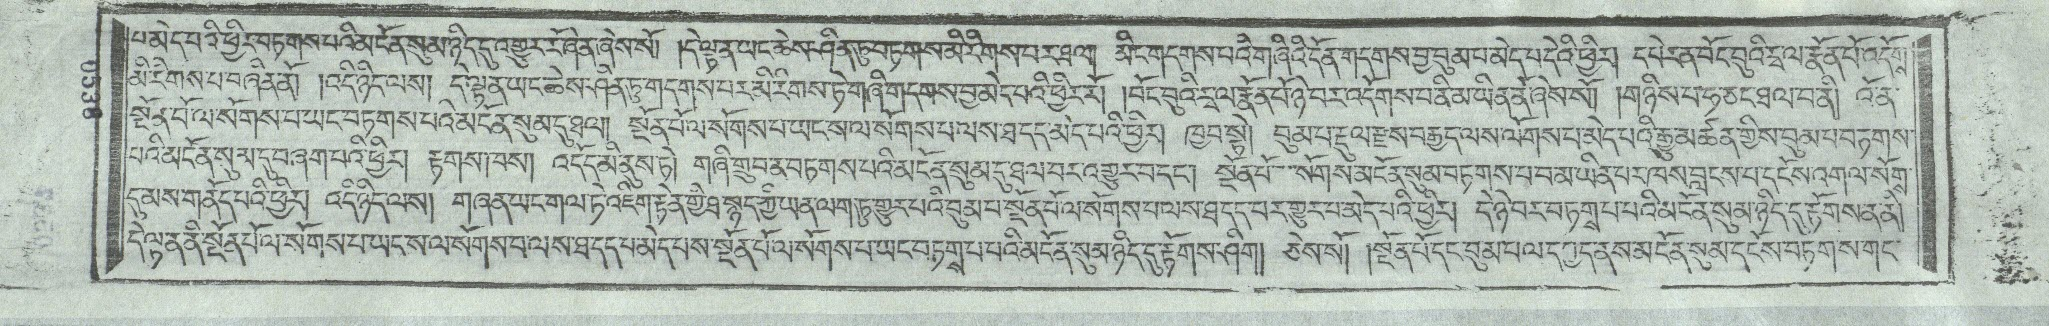པ་མེད་པའི་ཕྱིར་བཏགས་པའི་མངོན་སུམ་ཉིད་དུ་འགྱུར་རོ་ཞེན་ཞེས་སོ། །དེ་ལྟ་ན་ཡང་ཆེས་ཤིན་ཏུ་བཏགས་མི་རིགས་པར་ཐལ། མིང་གདགས་པའི་གཞིའི་དོན་གདགས་བྱ་བུམ་པ་མེད་པ་དེའི་ཕྱིར། དཔེར་ན་བོང་བུའི་རྭ་ལ་རྣོན་པོ་འདོགས་
མི་རིགས་པ་བཞིན་ནོ། །འདི་ཉིད་ལས། དེ་ལྟ་ན་ཡང་ཆེས་ཤིན་ཏུ་གདགས་པར་མི་རིགས་ཏེ་གཞི་གདགས་བྱ་མེད་པའི་ཕྱིར་རོ། །བོང་བུའི་རྭ་ལ་རྣོན་པོ་ཉེ་བར་འདོགས་པ་ནི་མ་ཡིན་ནོ་ཞེས་སོ། །གཉིས་པ་ཧ་ཅང་ཐལ་བ་ནི། འོ་ན་
སྔོན་པོ་ལ་སོགས་པ་ཡང་བཏགས་པའི་མངོན་སུམ་དུ་ཐལ། སྔོན་པོ་ལ་སོགས་པ་ཡང་ས་ལ་སོགས་པ་ལས་ཐ་དད་མེད་པའི་ཕྱིར། ཁྱབ་སྟེ། བུམ་པ་རྡུལ་རྫས་བརྒྱད་ལས་ལོགས་པ་མེད་པའི་རྒྱུ་མཚན་གྱིས་བུམ་པ་བཏགས་
པའི་མངོན་སུམ་དུ་བཞག་པའི་ཕྱིར། རྟགས་ཁས། འདོད་མི་ནུས་ཏེ། གཞི་གྲུབ་ན་བཏགས་པའི་མངོན་སུམ་དུ་ཐལ་བར་འགྱུར་བ་དང་། སྔོན་པོ་སོགས་མངོན་སུམ་བཏགས་པ་བ་མ་ཡིན་པར་ཁས་བླངས་པ་དངོས་འགལ་སོགས་
དུ་མས་གནོད་པའི་ཕྱིར། འདི་ཉིད་ལས། གཞན་ཡང་གལ་ཏེ་འཇིག་རྟེན་གྱི་ཐ་སྙད་ཀྱི་ཡན་ལག་ཏུ་གྱུར་པའི་བུམ་པ་སྔོན་པོ་ལ་སོགས་པ་ལས་ཐ་དད་པར་གྱུར་བ་མེད་པའི་ཕྱིར། དེ་ཉེ་བར་བཏགས་པ་པའི་མངོན་སུམ་ཉིད་དུ་རྟོགས་ན་ནི།
དེ་ལྟ་ན་ནི་སྔོན་པོ་ལ་སོགས་པ་ཡང་ས་ལ་སོགས་པ་ལས་ཐ་དད་པ་མེད་པས་སྔོན་པོ་ལ་སོགས་པ་ཡང་བཏགས་པ་པའི་མངོན་སུམ་ཉིད་དུ་རྟོགས་ཤིག། ཅེས་སོ། །སྔོན་པོ་དང་བུམ་པ་ལ་དཔྱད་ནས་མངོན་སུམ་དངོས་བཏགས་གང་